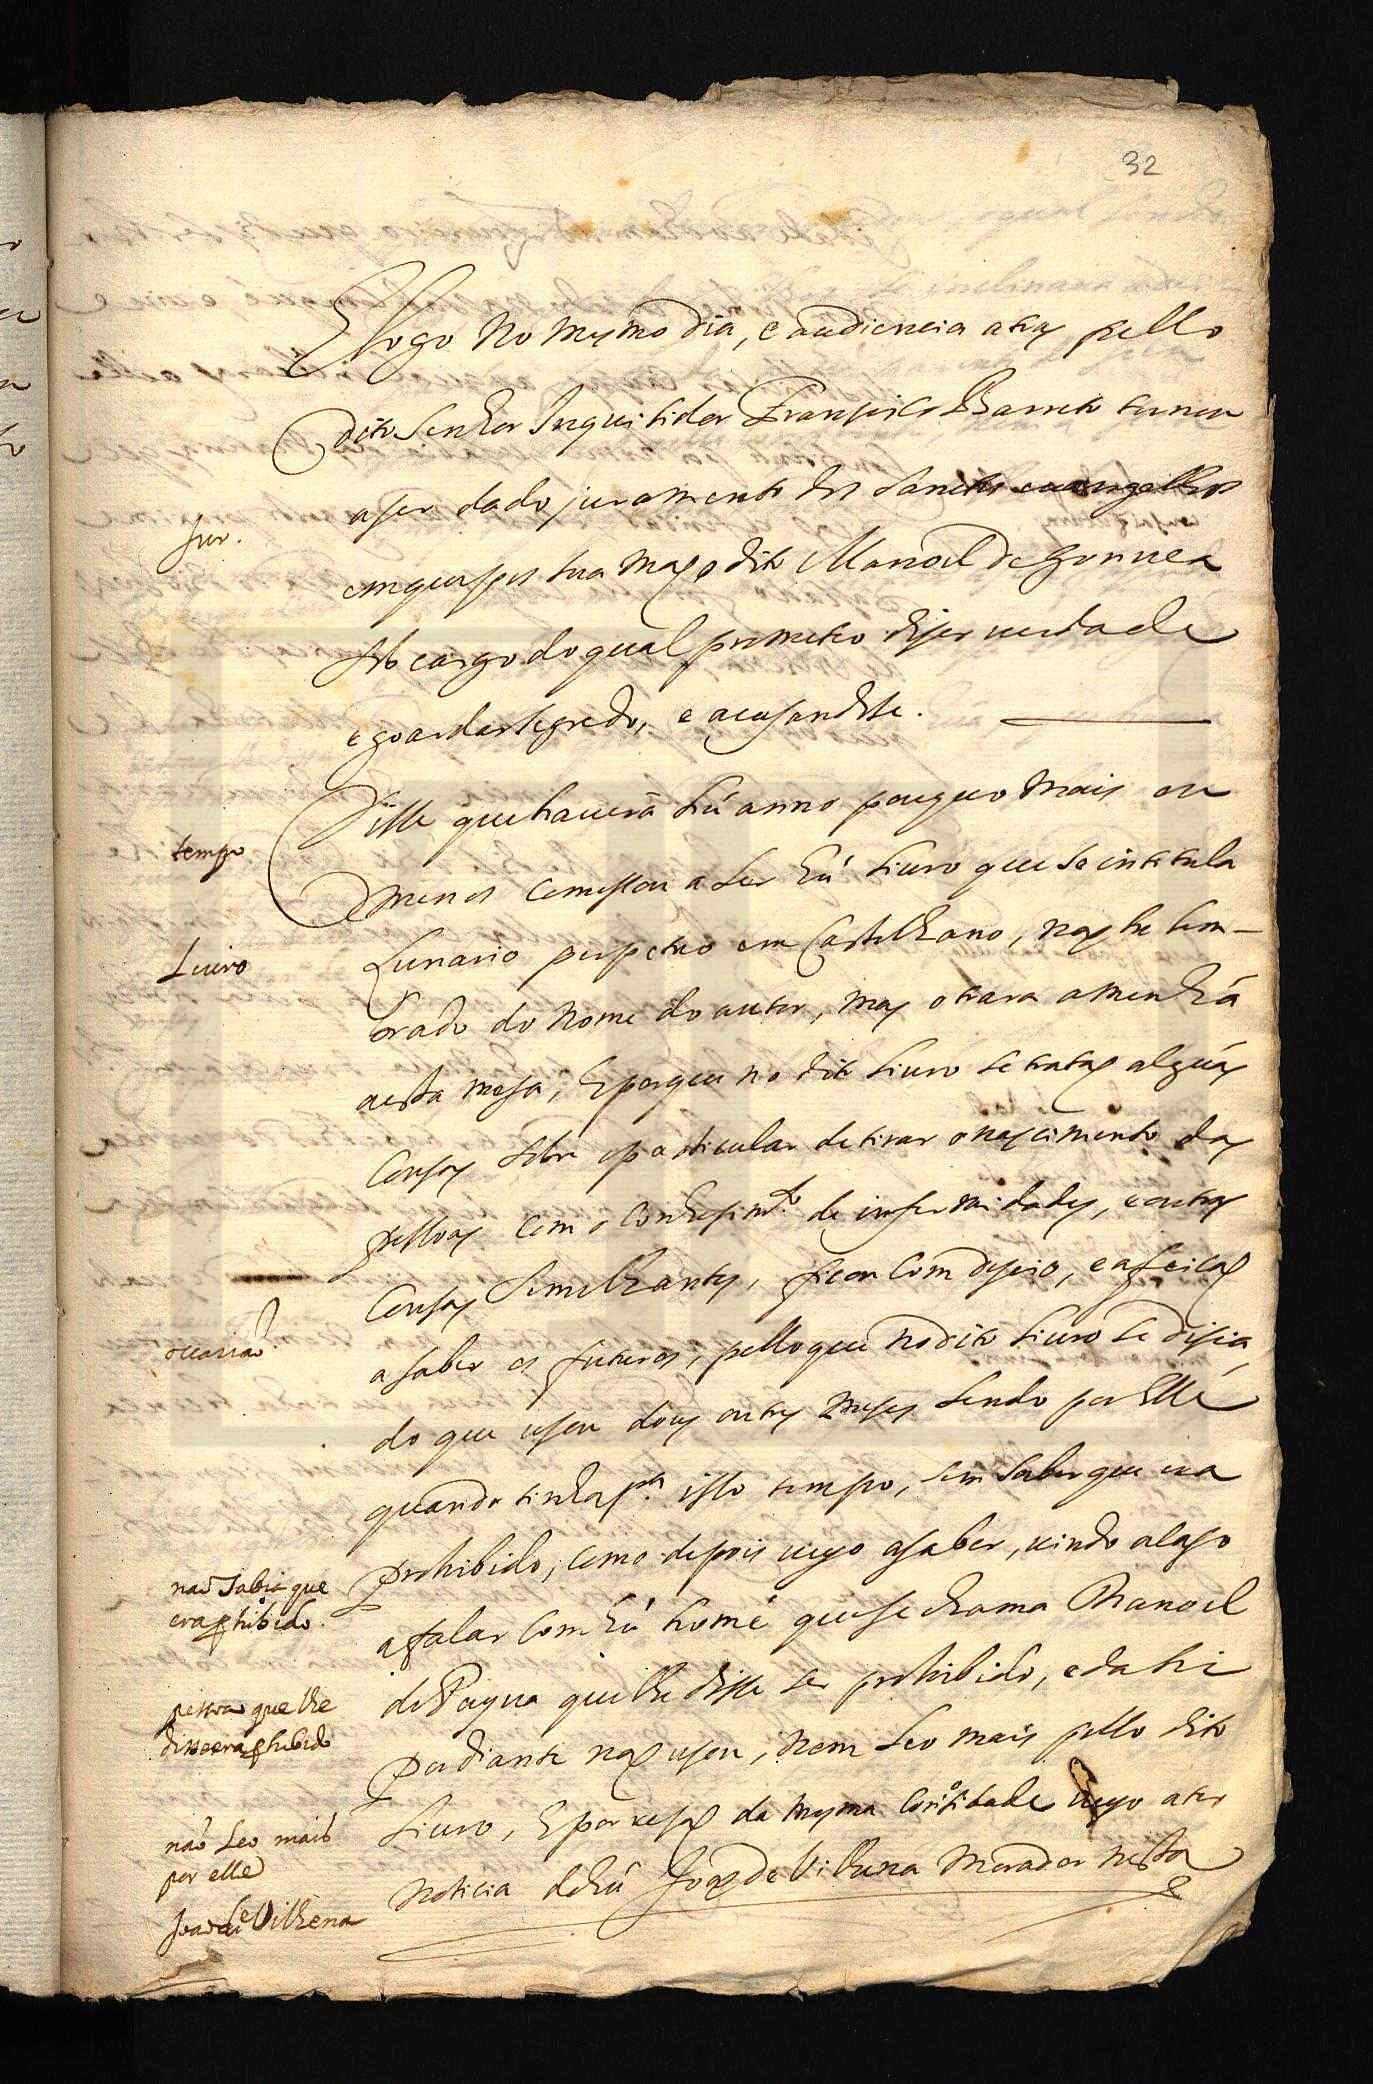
Jur
tempo
Liuro
occasiaõ
naõ sabia, que
era ꝓhibido.
pessoa que lhe
disse era ꝓhibido
naõ Leo mais
por elle
Joaõ de Vilhena
E logo no mesmo dia, e audiencia atras pello
dito Senhor Inquisidor Francisco Barreto tornou
a ser dado juramento dos Sanctos euangelhos
em que pos sua maõ o dito Manoel de Gouuea
sob cargo do qual prometeo diser uerdade
e goardar segredo, e acusandose
Disse que hauerá hū anno pouquo mais ou
menos comessou a ler hū liuro que se intitula
Lunario perpetuo em Castelhano, naõ he lem
brado do nome do autor, mas o trara amenhã
a esta mesa, E porque no dito liuro se trataõ alguās
cousas sobre o particular de tirar o nascimento das
pessoas com o conhesim.to de infermidades, e outras
Cousas semelhantes, ficou com deseio, e afeiçaõ
a saber os futuros, pello que no dito liuro se disia
do que usou dous ou tres meses sendo por elle
quando tinha pa. isso tempo, sem saber que era
prohibido, como depois ueyo a saber, uindo acaso
a falar com hū homē que se chama Manoel
de Payua que lhe disse ser prohibido, e dahi
por diante naõ usou, nem Leo mais pello dito
Liuro, E por resaõ da mesma corisidade ueyo a ter
noticia de hū Joaõ de Villena morador nesta
